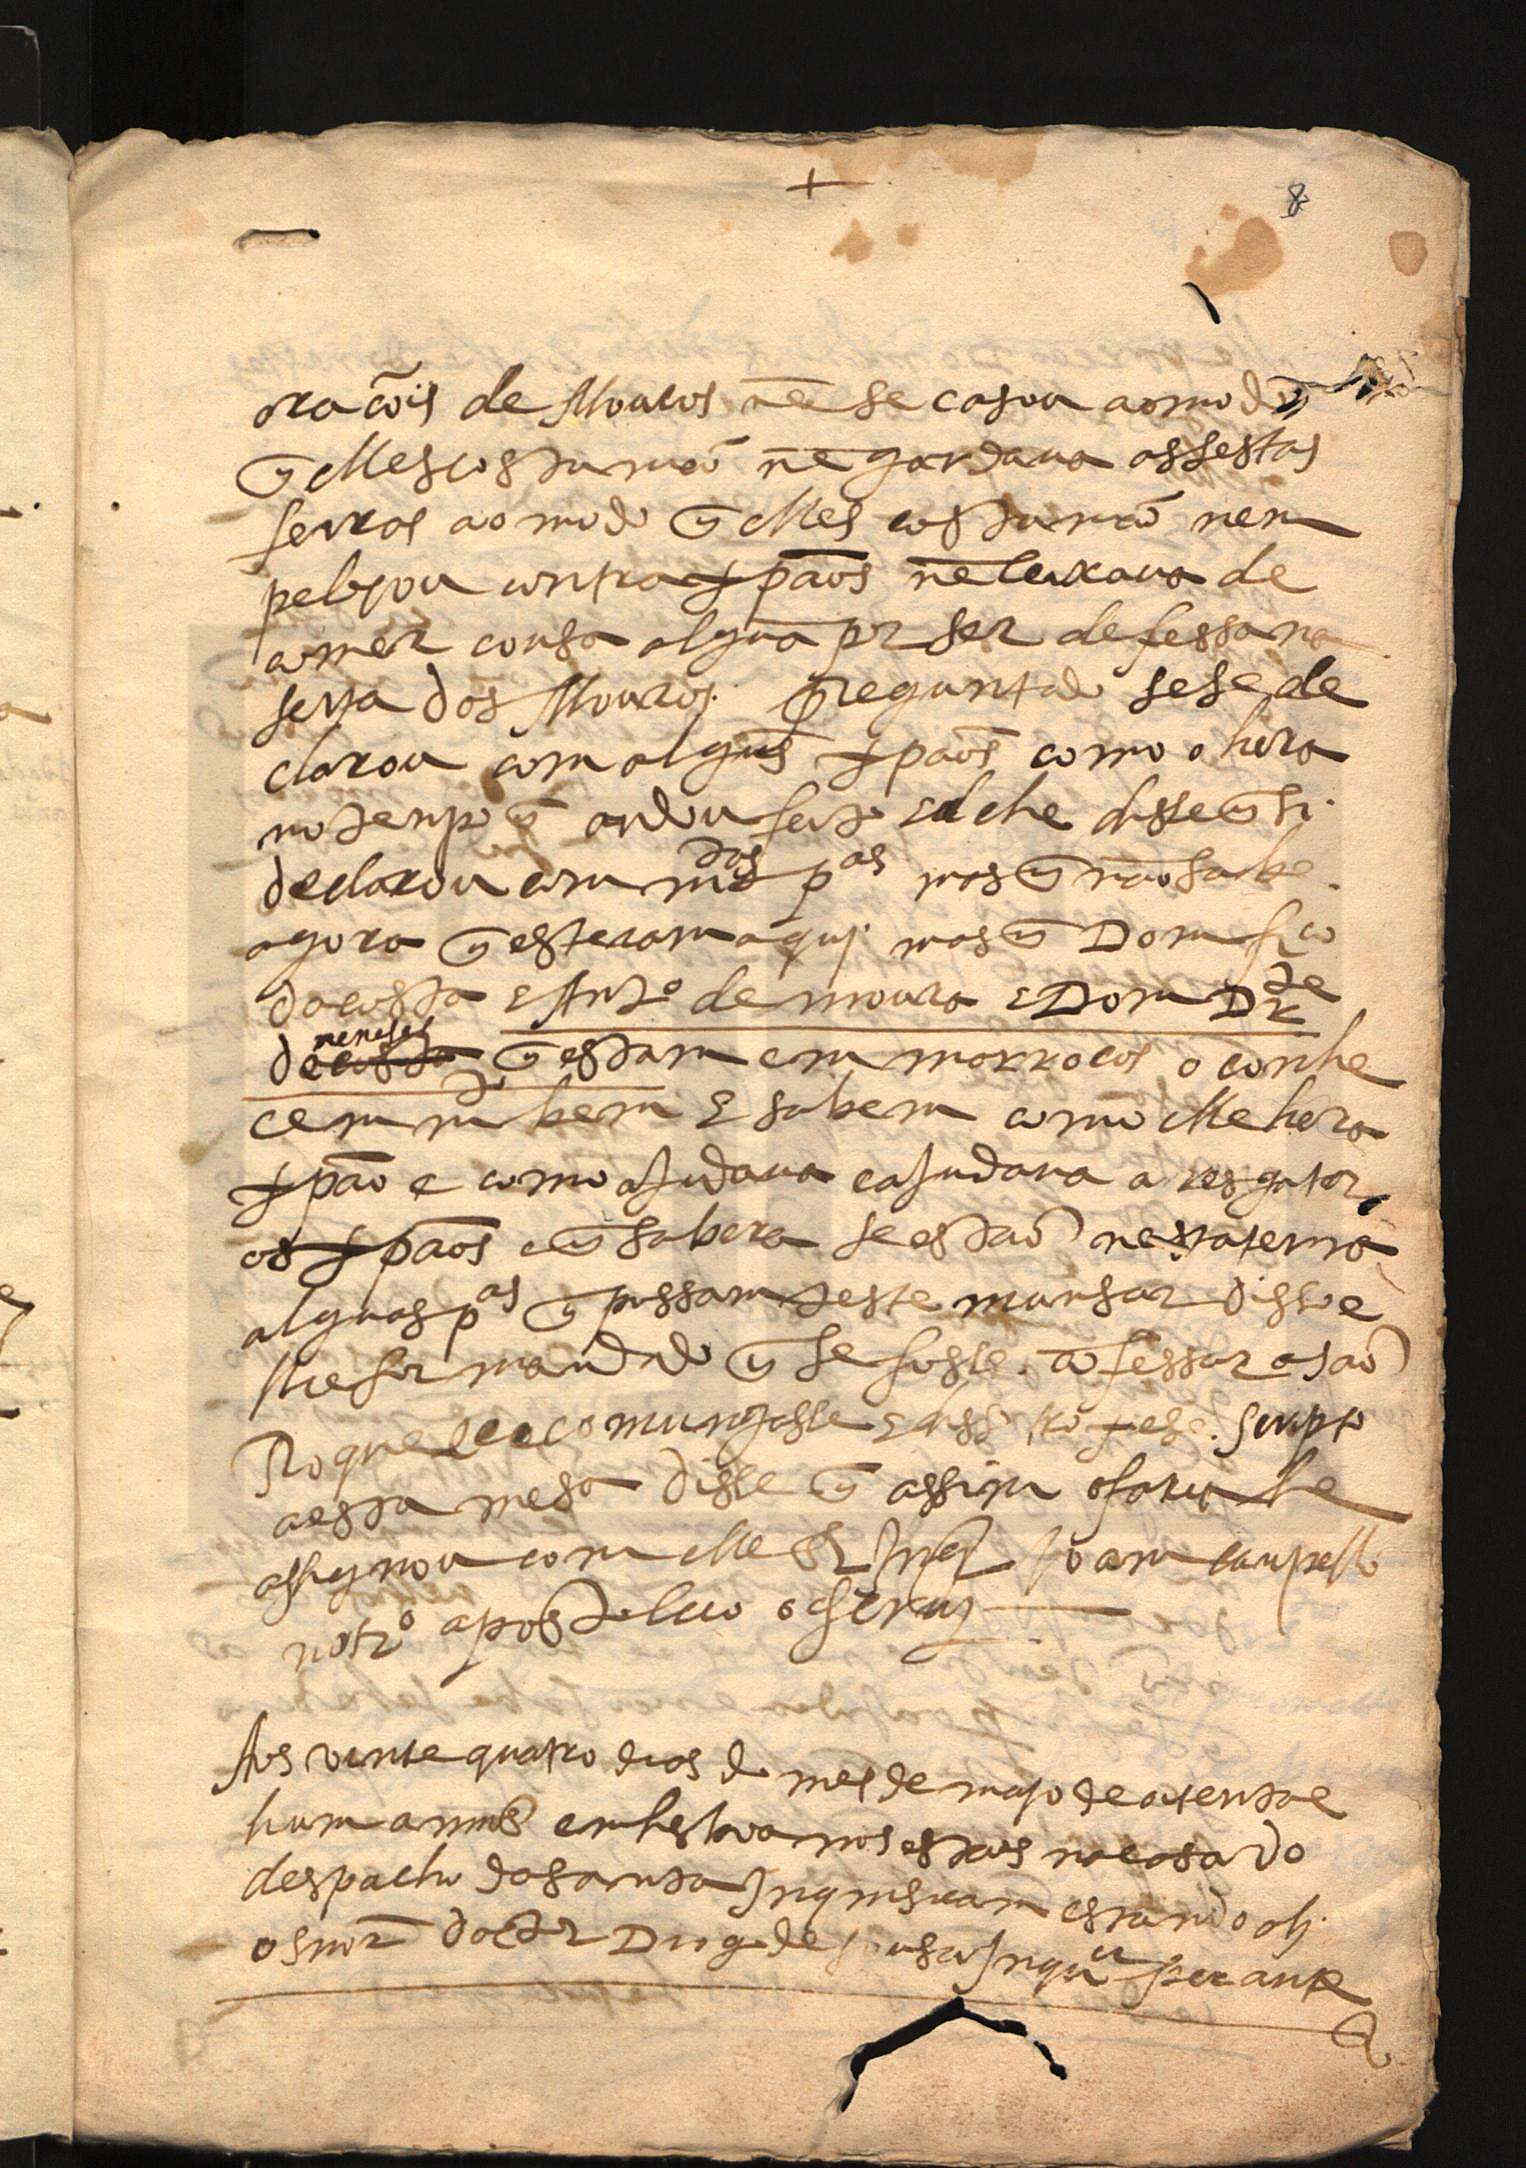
oracõis de Mouros nē se casou ao modo
q̄ elles costumaõ nē gardaua as sestas
feiras ao modo q̄ elles costumaõ nem
pelejou contra Xpãos nē leixaua de
comer cousa algūa por ser defessa na
seita dos Mouros. preguntado se se de
clarou com algūs Xpaõs como o hera
no tenpo q̄ andou feito Elche disse q̄ si
declarou com mtas pas mas q̄ não sabe
agora q̄ esteiam aquj mas q̄ Dom frco
da costa E Anto de moura E Dom Drte
da costa
meneses
q̄ estam em marrocos o conhe
cem mto bem E sabem como elle hera
Xpaõ e como aJudaua e aJudara a resgatar
os Xpãos e q̄ sabera se estaõ nesta terra
alguas pas q̄ possam testemunhar disso e
lhe foi mandado q̄ se fosse c̄ofessar a saõ
Roque e co comungasse E disso troxese. scripto
a esta mesa disse q̄ assim o faria he
assignou com elle Sor Jnq̄r Joam canpello
notro apostolico o escruj
Aos vinte quatro dias do mes de majo de oitenta e
hum annos em lisboa nos estaos na casa do
despacho da santa Jnquisicam estando alj
o snor̄ doctor Diogo de sousa Jnquor perante
